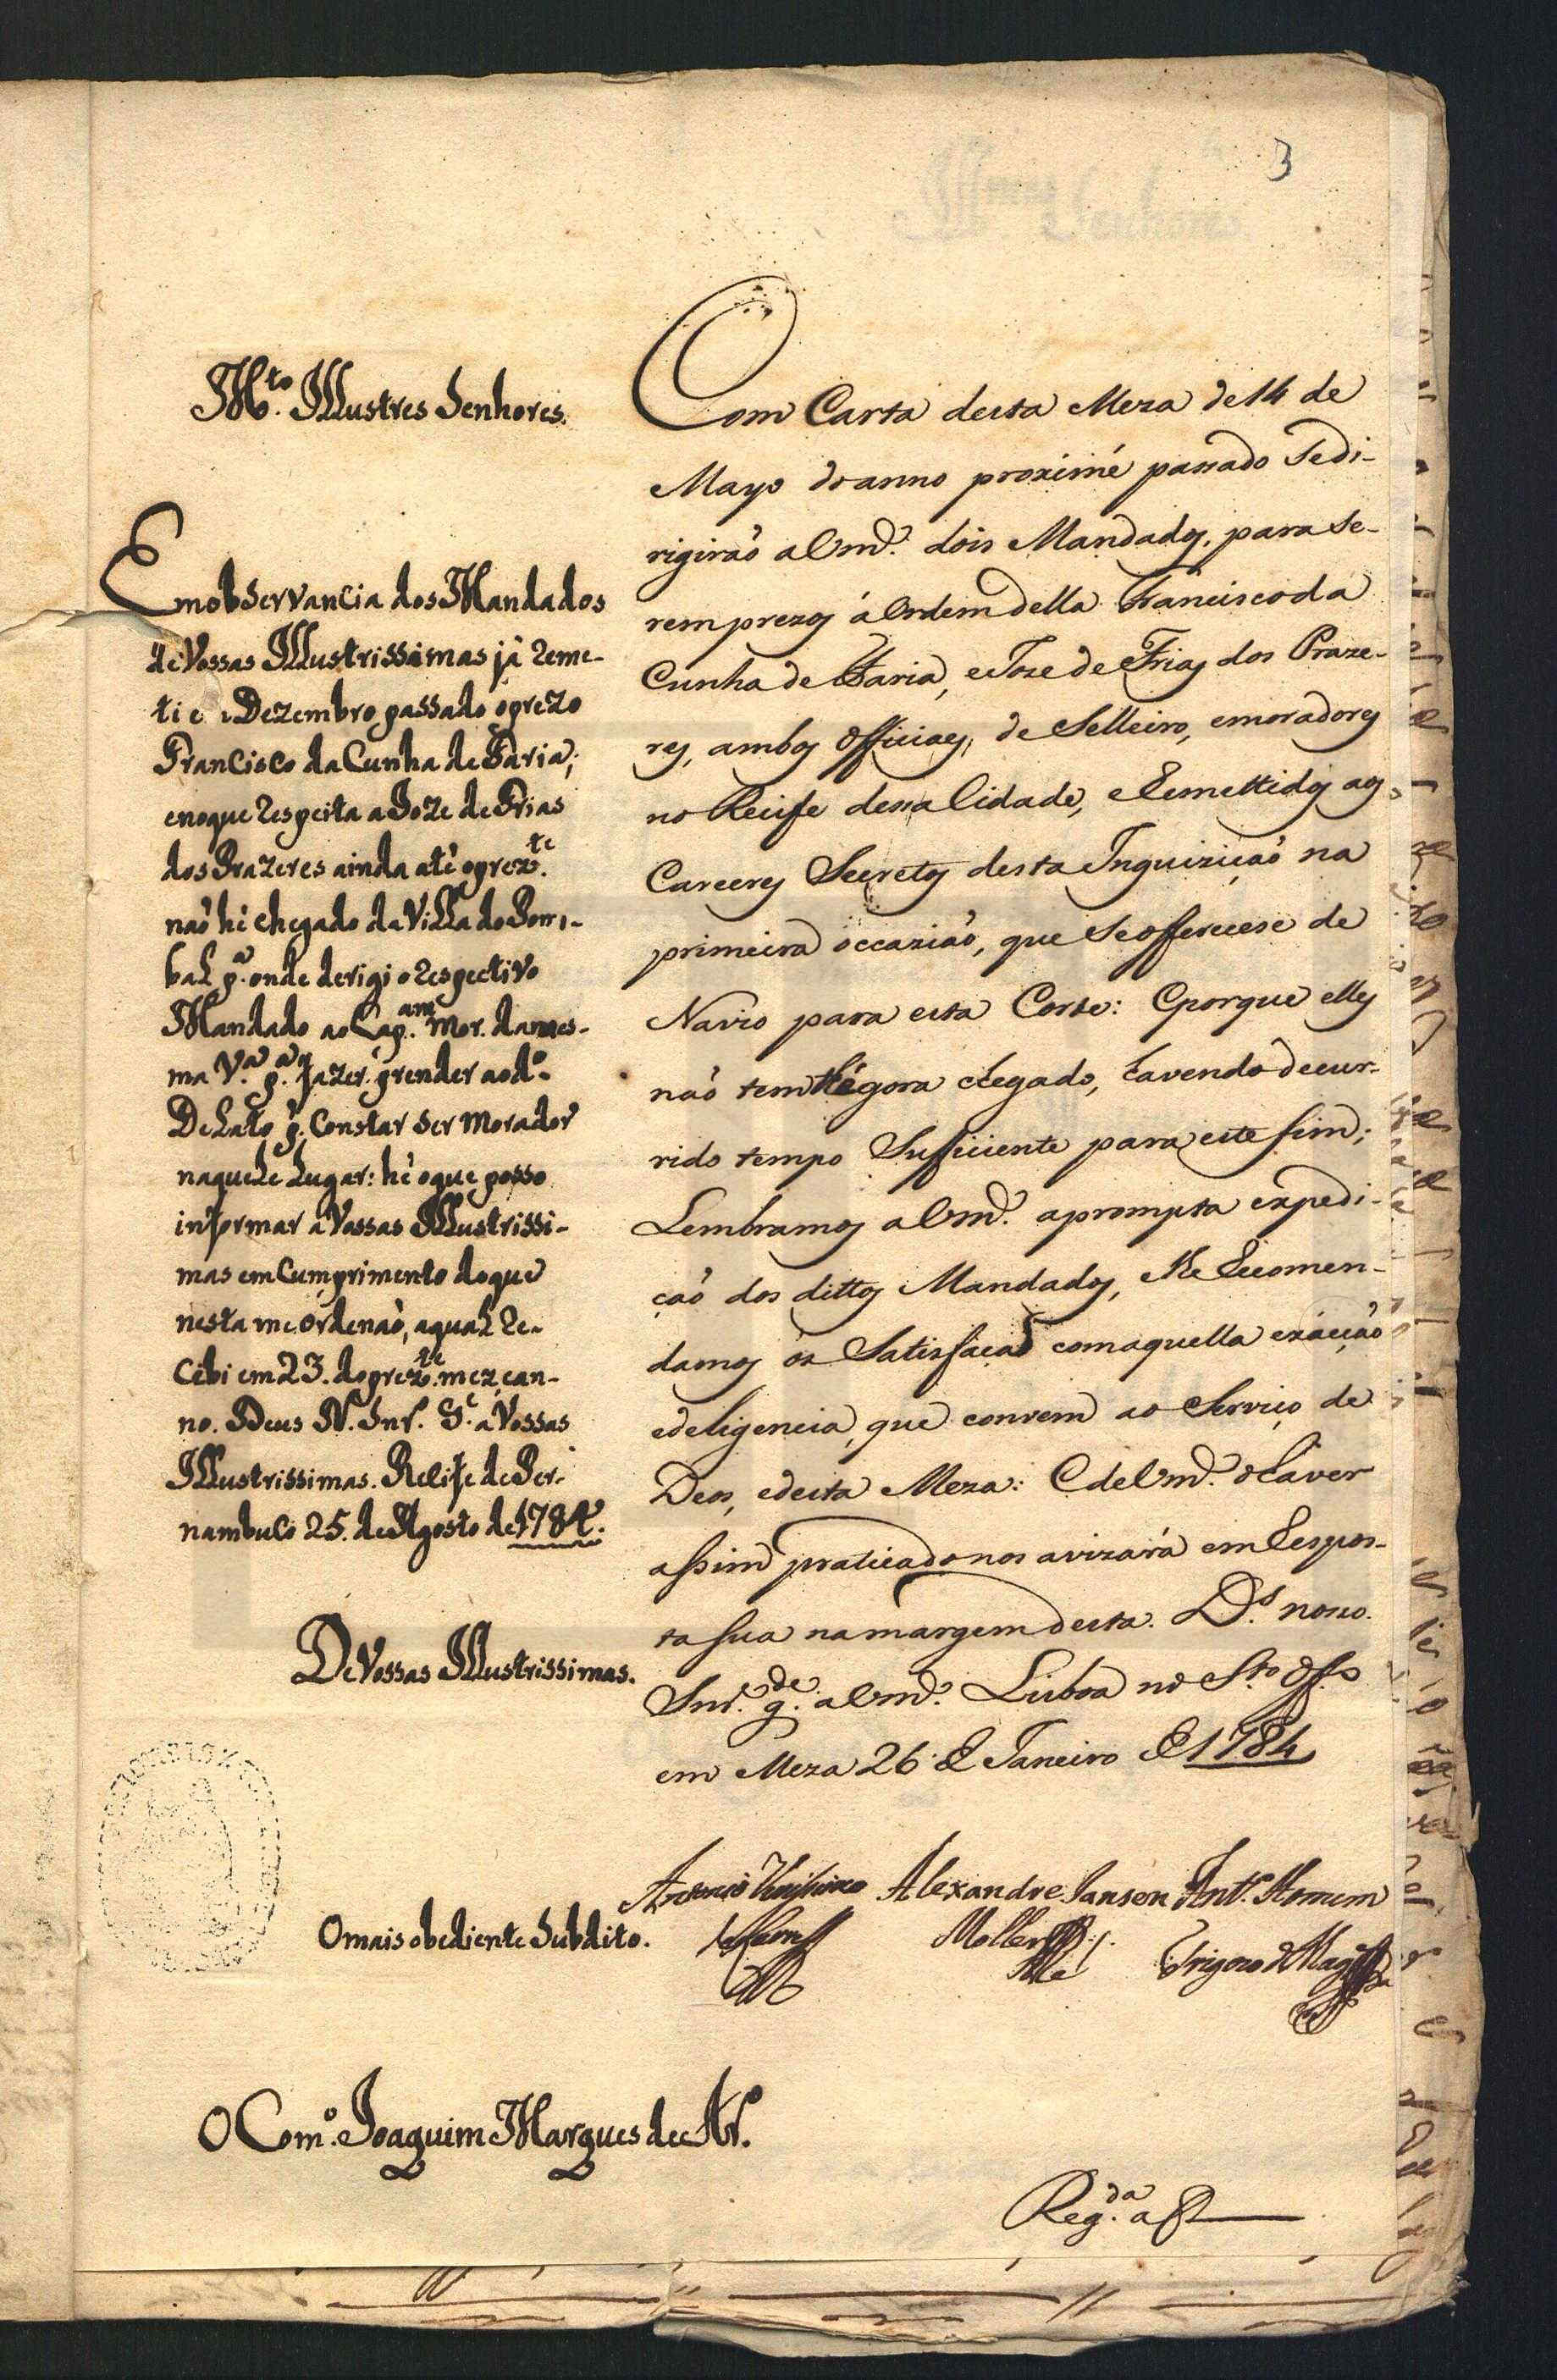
M.to Illustres Senhores.
Em observancia dos Mandados
de Vossas Illustrissimas já Reme
ti e_ Dezembro passado o prezo
Francisco da Cunha de Faria;
e no que Respeita a Ioze de Frias
dos Prazeres ainda até o prez.te
naõ hé chegado da Villa do Pom
bal p.a onde derigi o Respectivo
Mandado ao Cap.am mor da mes
ma V.a p.a fazer prender ao d.o
Delato p̄ constar ser morador
naquele lugar: hé o que posso
informar a Vossas Illustrissi
mas em cumprimento do que
nesta me ordenaõ, a qual Re
cibi em 23. do prez.te mez, e an
no. Deus N. Snr.o G.e a Vossas
Illustrissimas. ReCife de Per
nambuco 25. de Agosto de 1784.
De Vossas Illustrissimas.
O mais obediente Subdito.
O Com.o Ioaquim Marques de Ar.o
Com Carta desta Meza de 14 de
Mayo do anno proximé passado se di
rigiraõ a Vm.e dois Mandados, para se
rem prezos á Ordem della Francisco da
Cunha de Faria, e Iose de Frias dos Praze
res, ambos Officiaes, de Selleiro, e moradores
no Recife dessa Cidade, e Remettidos aos
Carceres Secretos desta Inquiziçaõ na
primeira occaziaõ, que Se offerecese de
Navio para esta Corte: E porque elles
naõ tem thé gora chegado, havendo decur
rido tempo Sufficiente para este fim;
Lembramos a Vm.e a prompta expedi
çaõ dos dittos Mandados, e lhe Recomen
damos os Satisfação com aquella exacção
e deligencia, que convem ao Serviço de
Deos, e desta Meza: E de Vm.e o haver
assim praticado nos avizará em Respos
ta sua na margem desta. D.s nosso
Snr.o g.de a vm.e Lisboa no S.to Off.o
em Meza 26 de Ianeiro de 1784
Antonio Verissimo Alexandre Iansen Ant.o Homem
de Larre
Moller
Frigozo d Mag
Reg.da a fl
